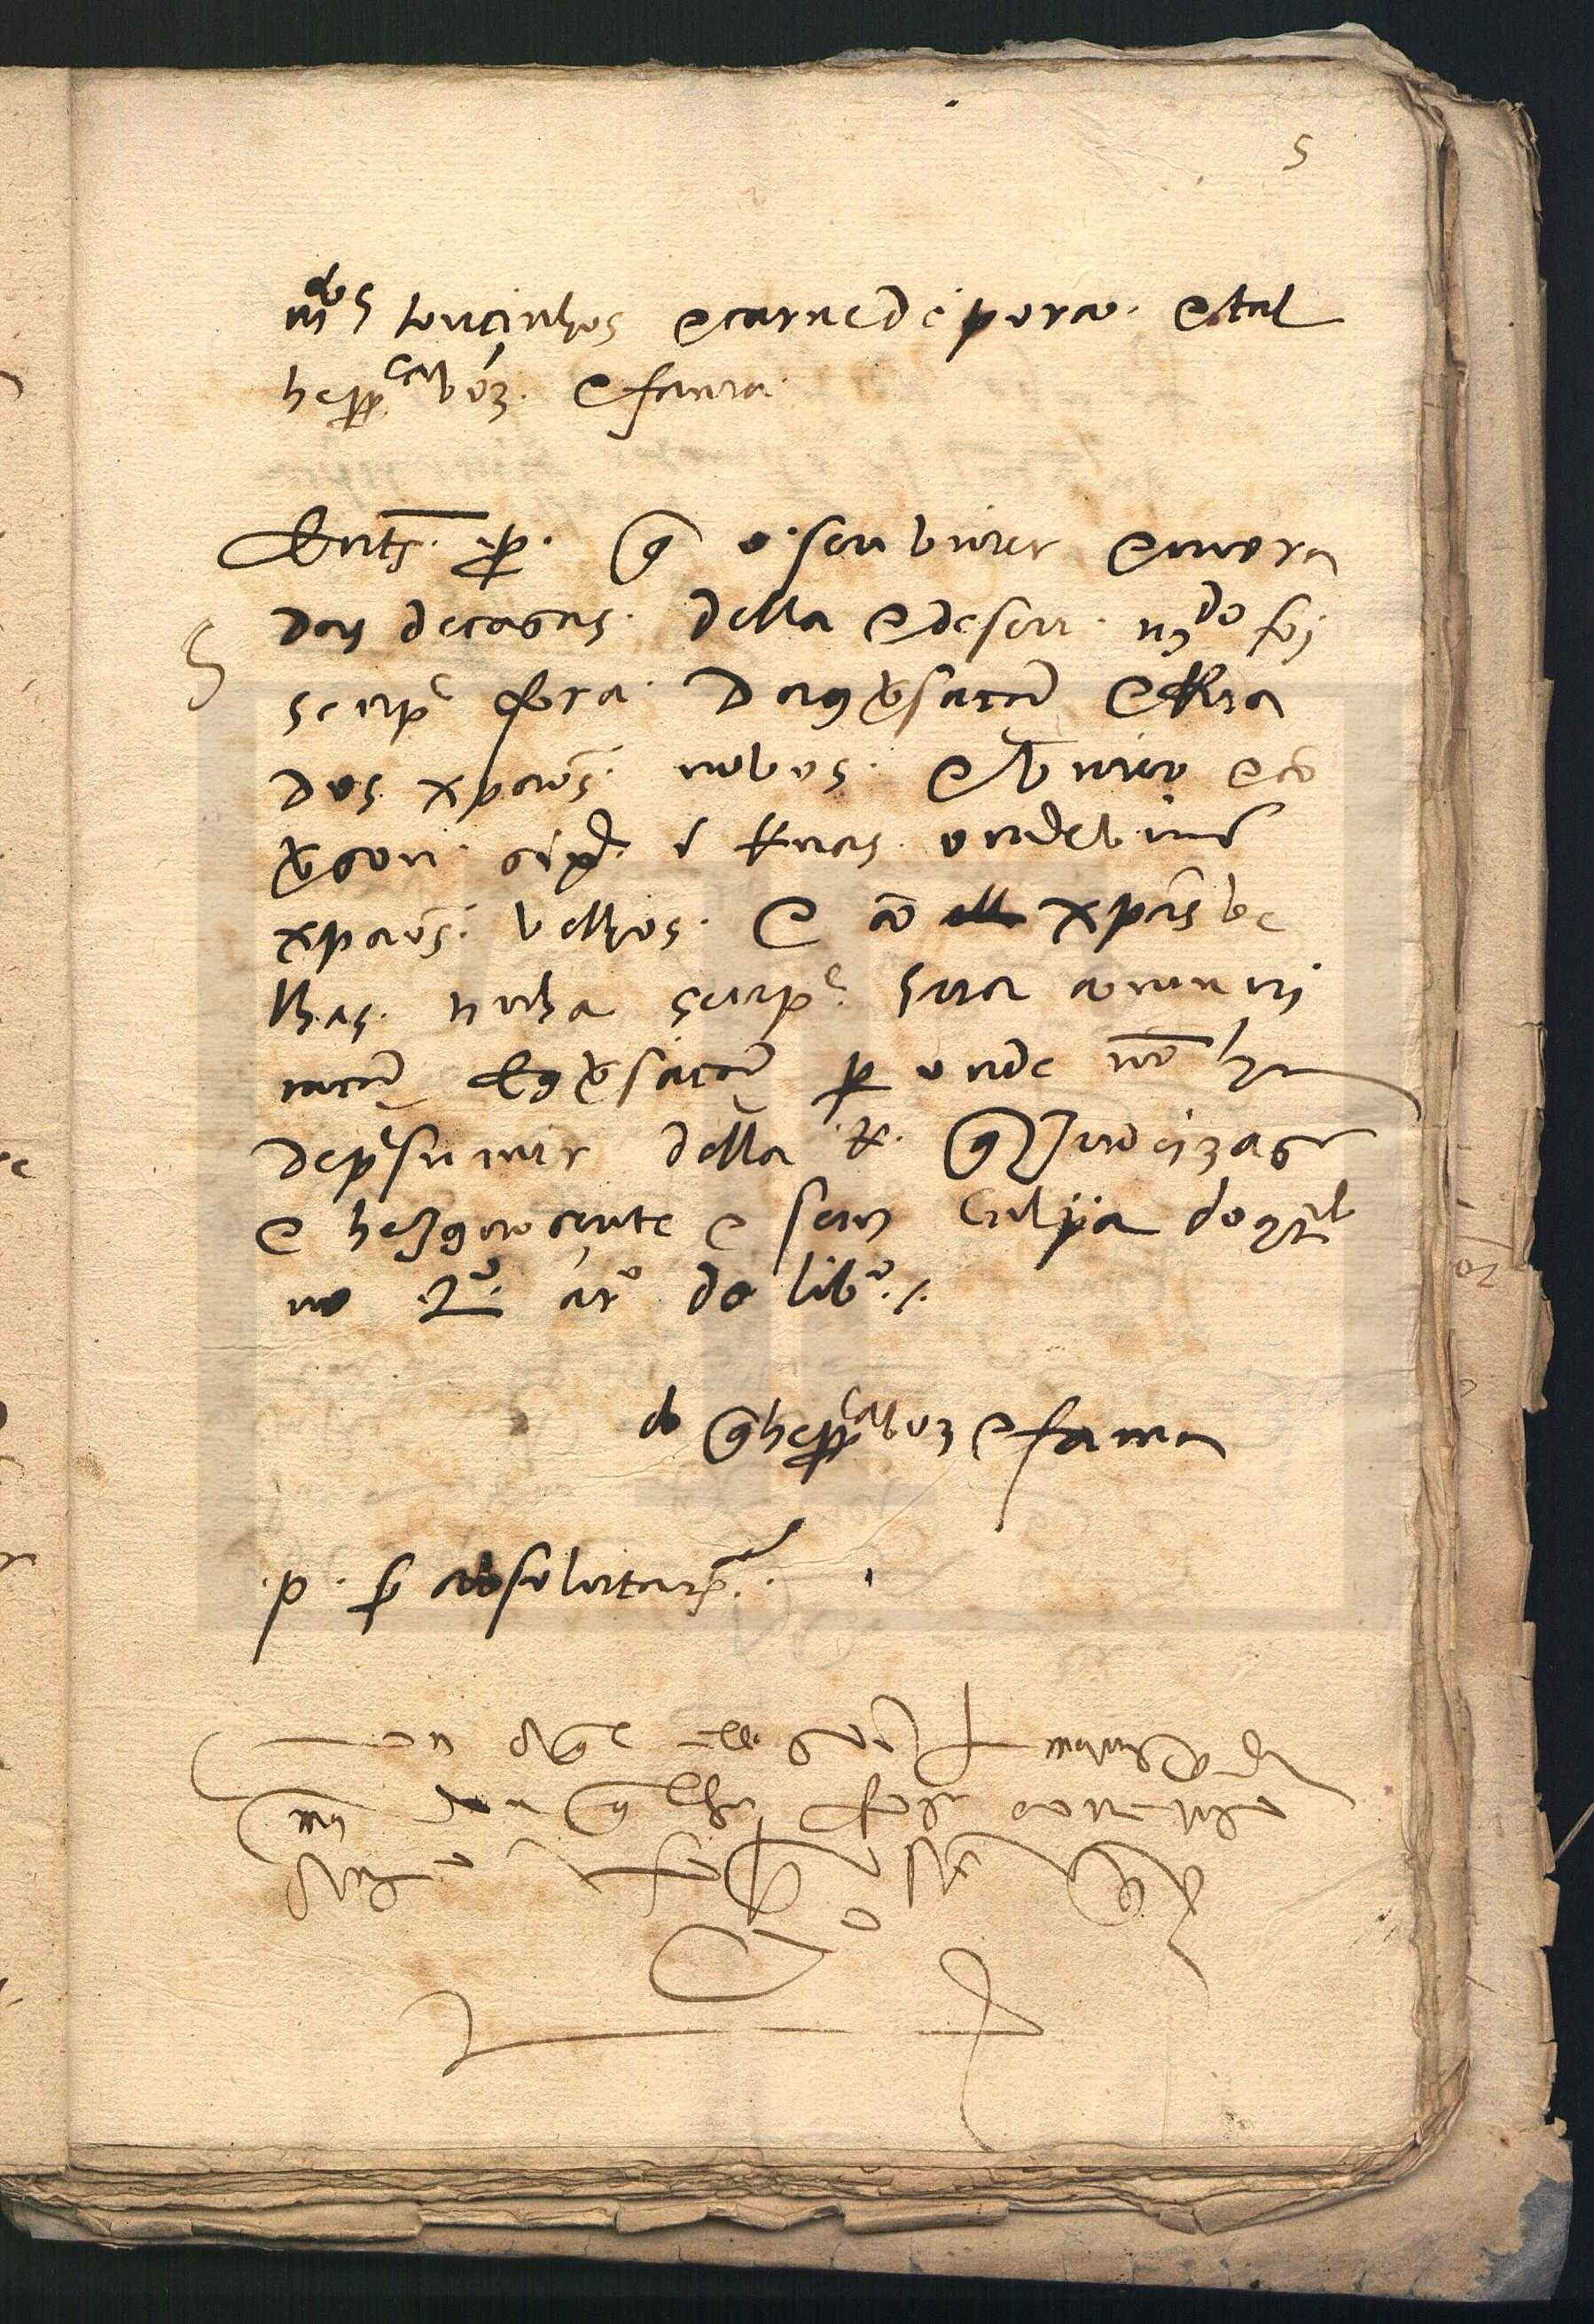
mtos toucinhos e carne de porco. e taL
he ꝓpca voz e fama
Ent̄ꝭ ꝓ. q̄ o seu viuer e mora
das de casas della e de seu mdo foj
senp̄ fora. da ꝯꝟsaçā e Rua
dos xpaõs novos. e viueo e cō
ꝟsou sēp̄ ē Ruas onde viuē
xpãos velhos. e cō ell xpās ve
lhas tinha senp̄ sua comuni
caçā E ꝯꝟsaçā ꝑ onde n̄o he
de p̄sumir della .R. q̄ Judaizase
e he Jgnocente e sem culpa do ꝯtdo
no .2o. aro do libo ./.
do q̄ he ꝓca voz e fama
p. ꞩ absoluta cꝭ̄
Com A q̄l elle sor̄ Jmquisydor
madou q̄ lhe fose concruso
Anto Roj̄z o sp̄vy
Co
